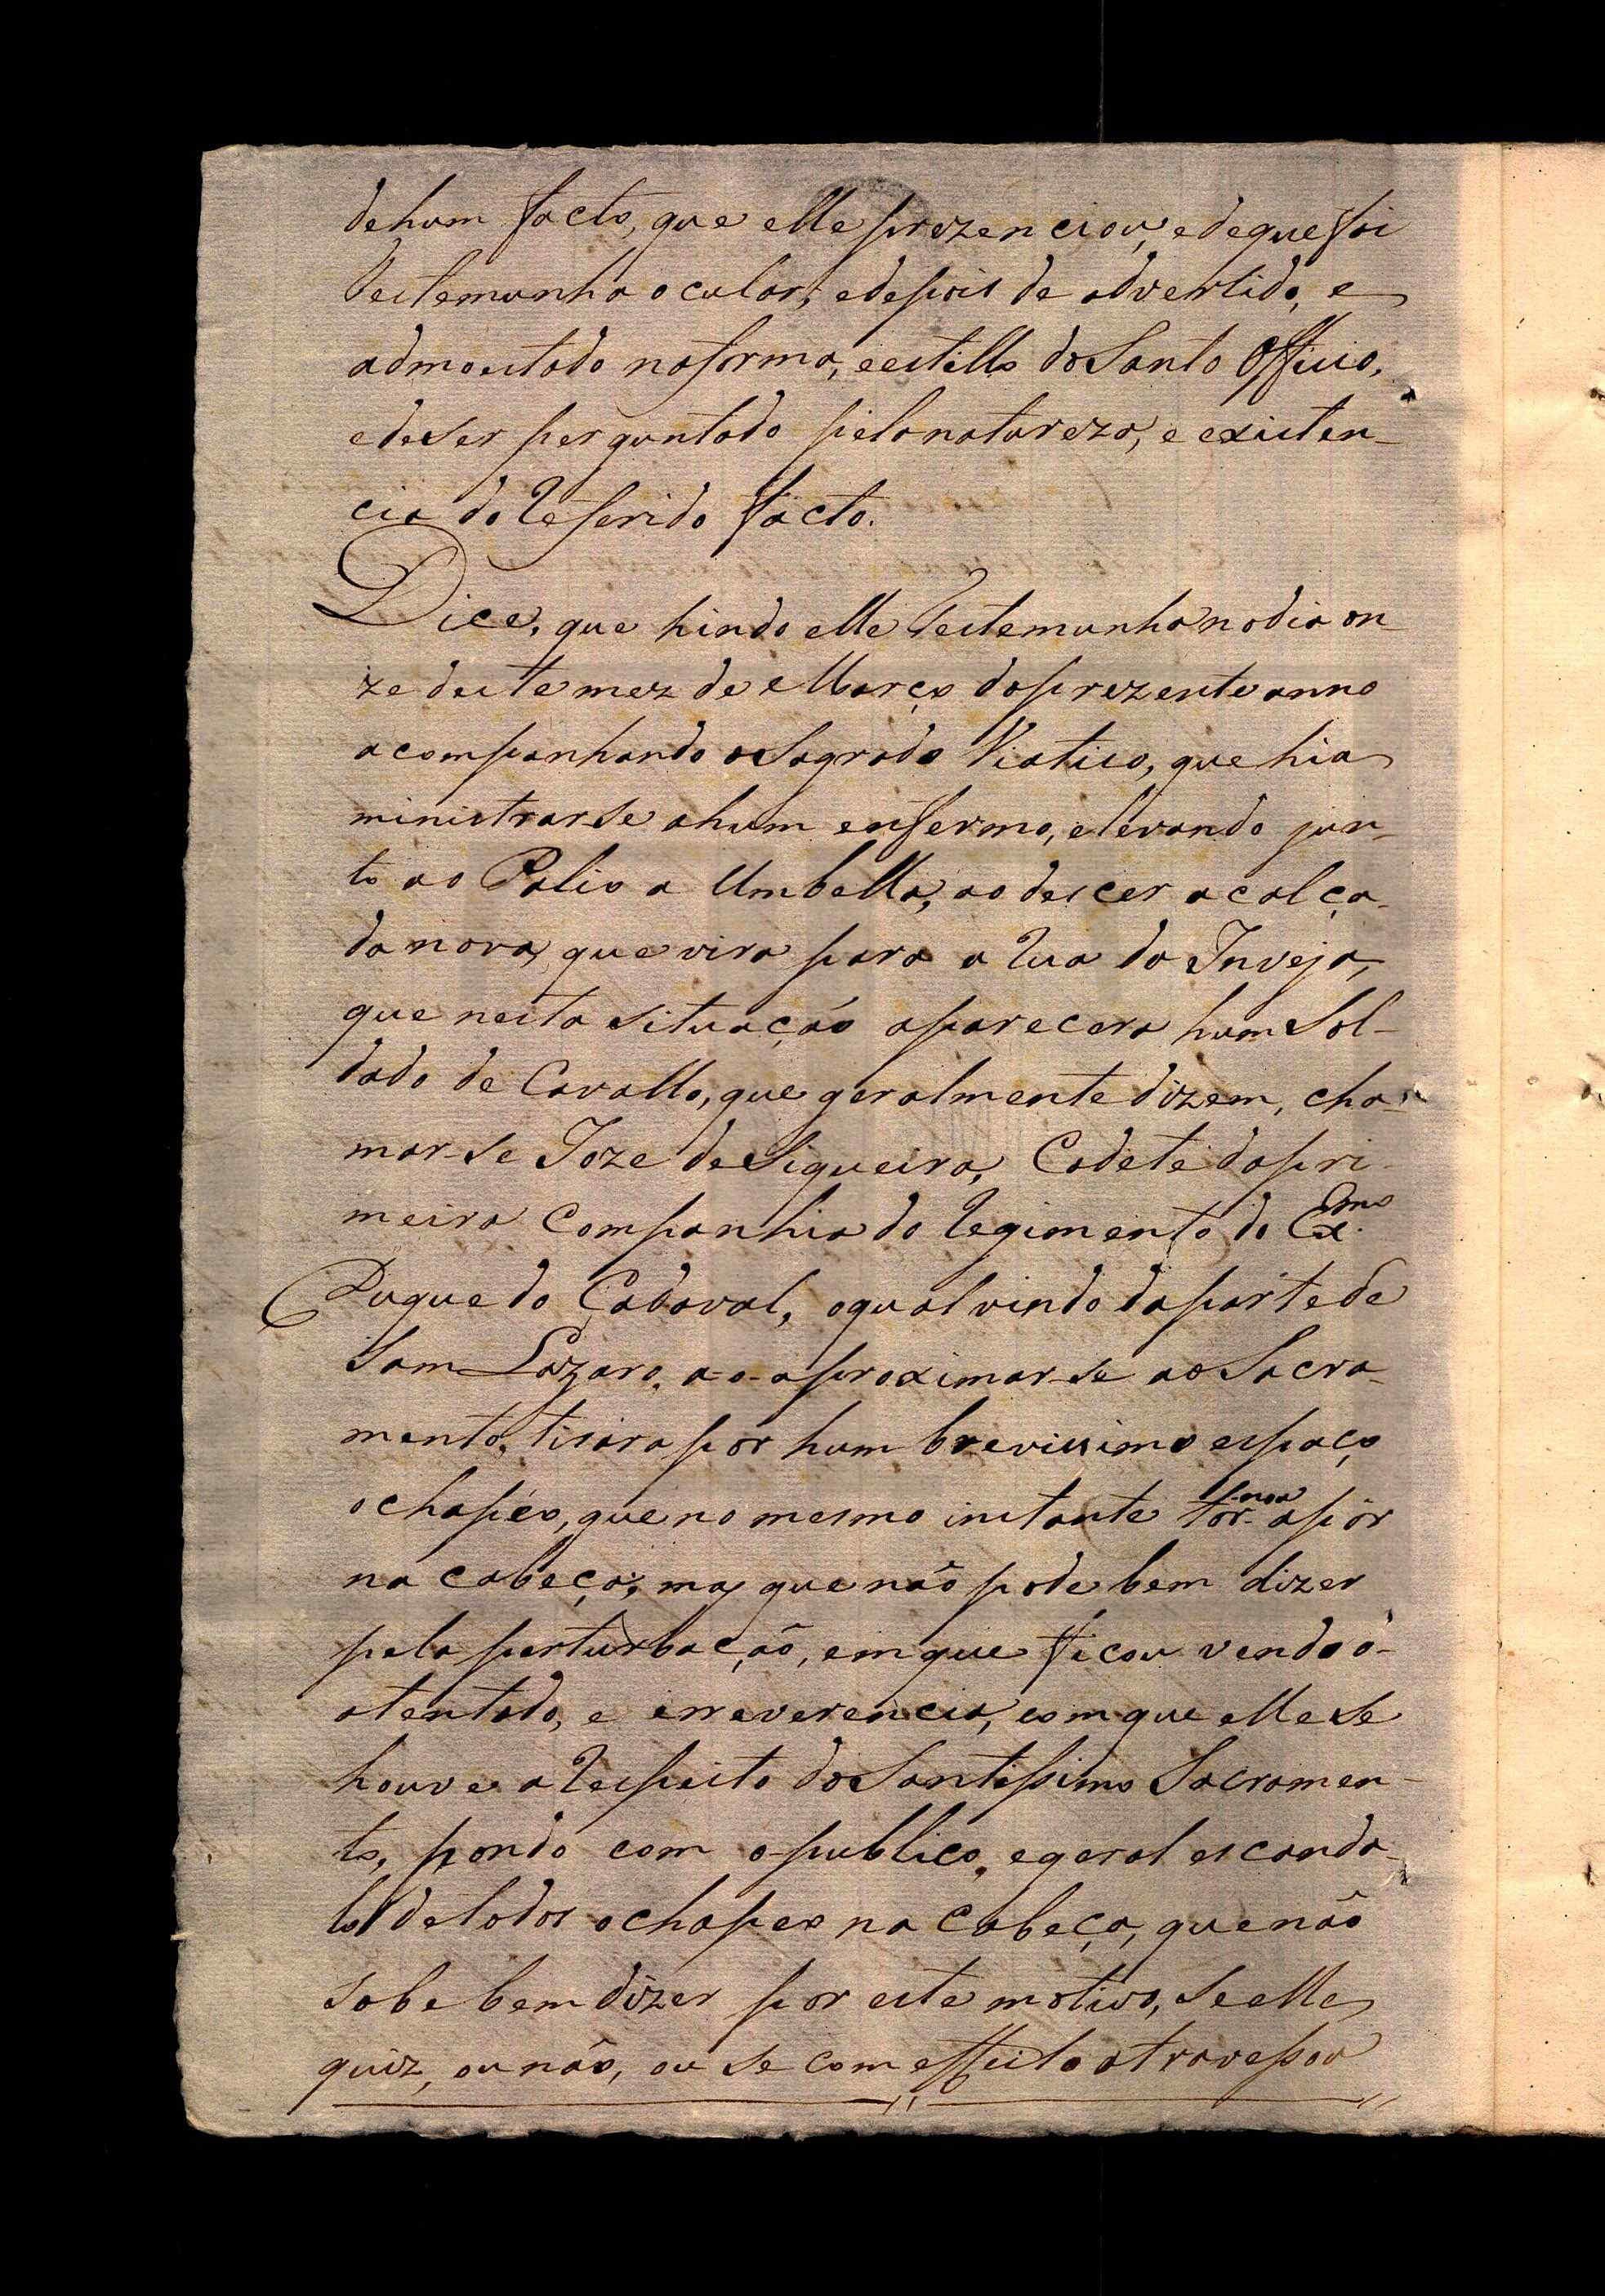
de hum facto, que elle prezençiou, e de que foi
Testemunha ocular, e depois de advertido, e
admoestado na forma, e estillo do Santo Officio,
e de ser perguntado pela natureza, e existen
cia do Referido facto.
Dice, que hindo elle Testemunha no dia on
ze deste mez de Março do prezente anno
acompanhando o Sagrado Viatico, que hia
ministrarse a hum enfermo, e levando jun
to ao Palio a Umbella, ao descer a calça
da nova, que vira para a Rua da Inveja,
que nesta situaçaõ aparecera hum Sol
dado de Cavallo, que geralmente dizem, cha
mar-se Ioze da Siqueira, Cadete da pri
meira companhia do Regimento do Ex.mo
Duque do Cadaval, o qual vindo da parte de
Sam Lazaro, a-o- aproximar-se ao Sacra
mento, tirara por hum brevissimo espaço
o chapéo, que no mesmo instante tor.nou a pôr
na cabeça; mas que naõ pode bem dizer
pela perturbaçaõ, em que ficou vendo o
atentado, e irreverencia, com que elle Se
houve a Respeito do Santissimo Sacramen
to, pondo com o publico, e geral escanda
lo de todos o chapeo na cabeça, que naõ
sobe bem dizer por este motivo, se elle
quiz, ou naõ, ou se com effeito atravessou
